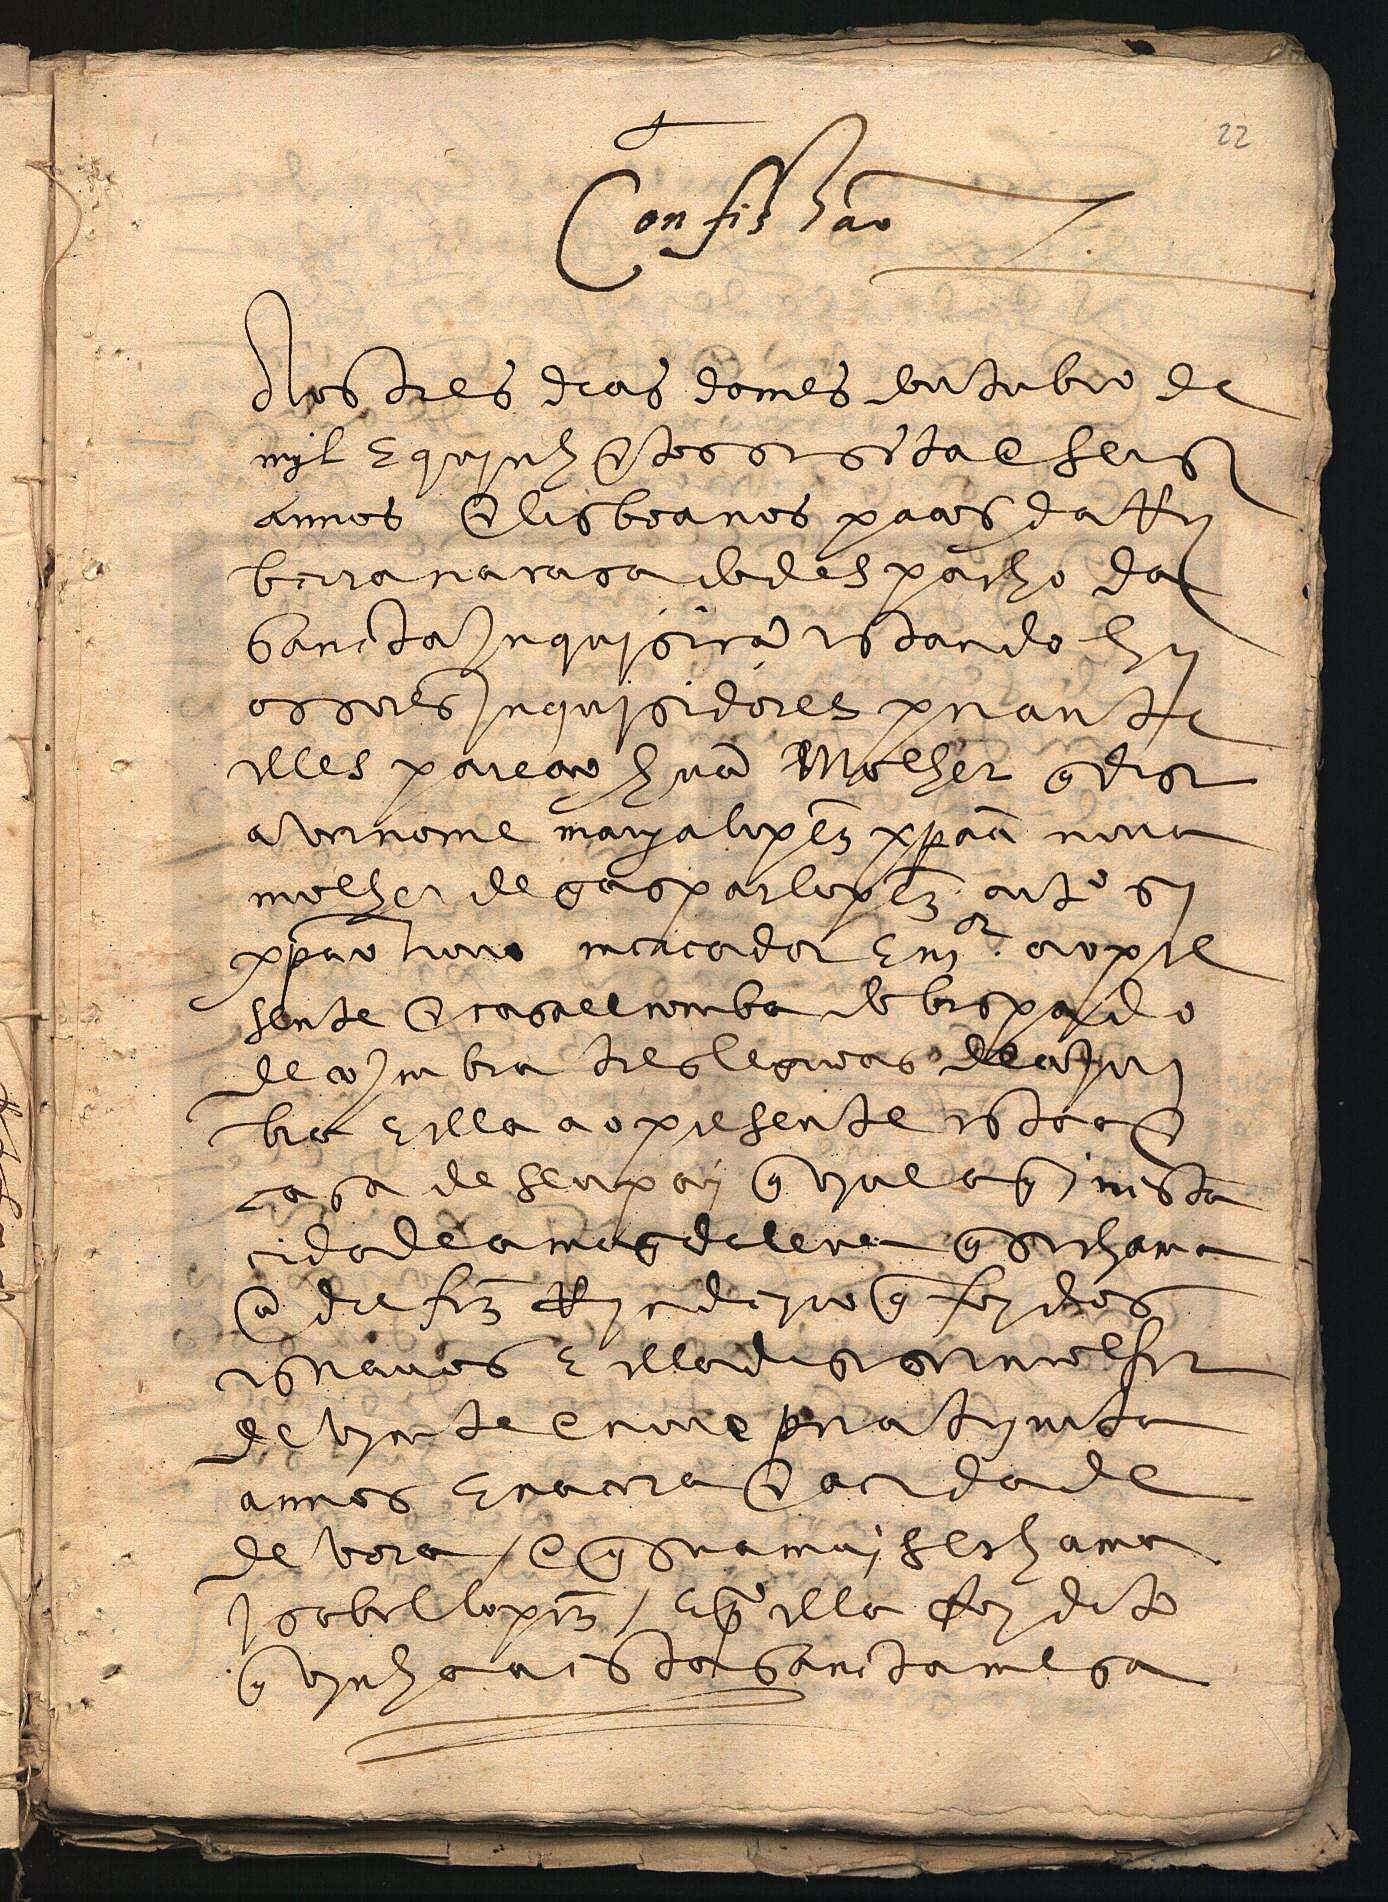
Confissão
Aos tres dias do mes doutubro de
miL E qujnhe̅tos sese̅ta e seis
annos e̅ lisboa nos paços da Ry
beira na casa do despacho da
sancta Jnqujsiça̅ estando hy
os sore̅s Jnqujsidores perante
elles pareçeo hua̅ molher q̅ dise
aver nome marya lope̅z xpa̅a noua
molher de gaspar lope̅z outo sy
xpão nouo mercador E mor. ao pre
sente e̅ casall comba do bispado
de cojmbra tres leguoas de cojm
bra E ella ao presente estaa e̅
casa de seu pay q̅ vjue aq̅j nesta
cidade a magdelena q̅ se chama
a̅dre frz̅ Rjndejro q̅ foj dos
escrauos E ella dise ser molher
de vjnte e noue pera trjmta
annos E nacera e̅ a cidade
devora / e q̅ sua may se chama
Jsabel lope̅z / E p̅o ella foj dito
q̅ vjnha a esta sancta mesa
